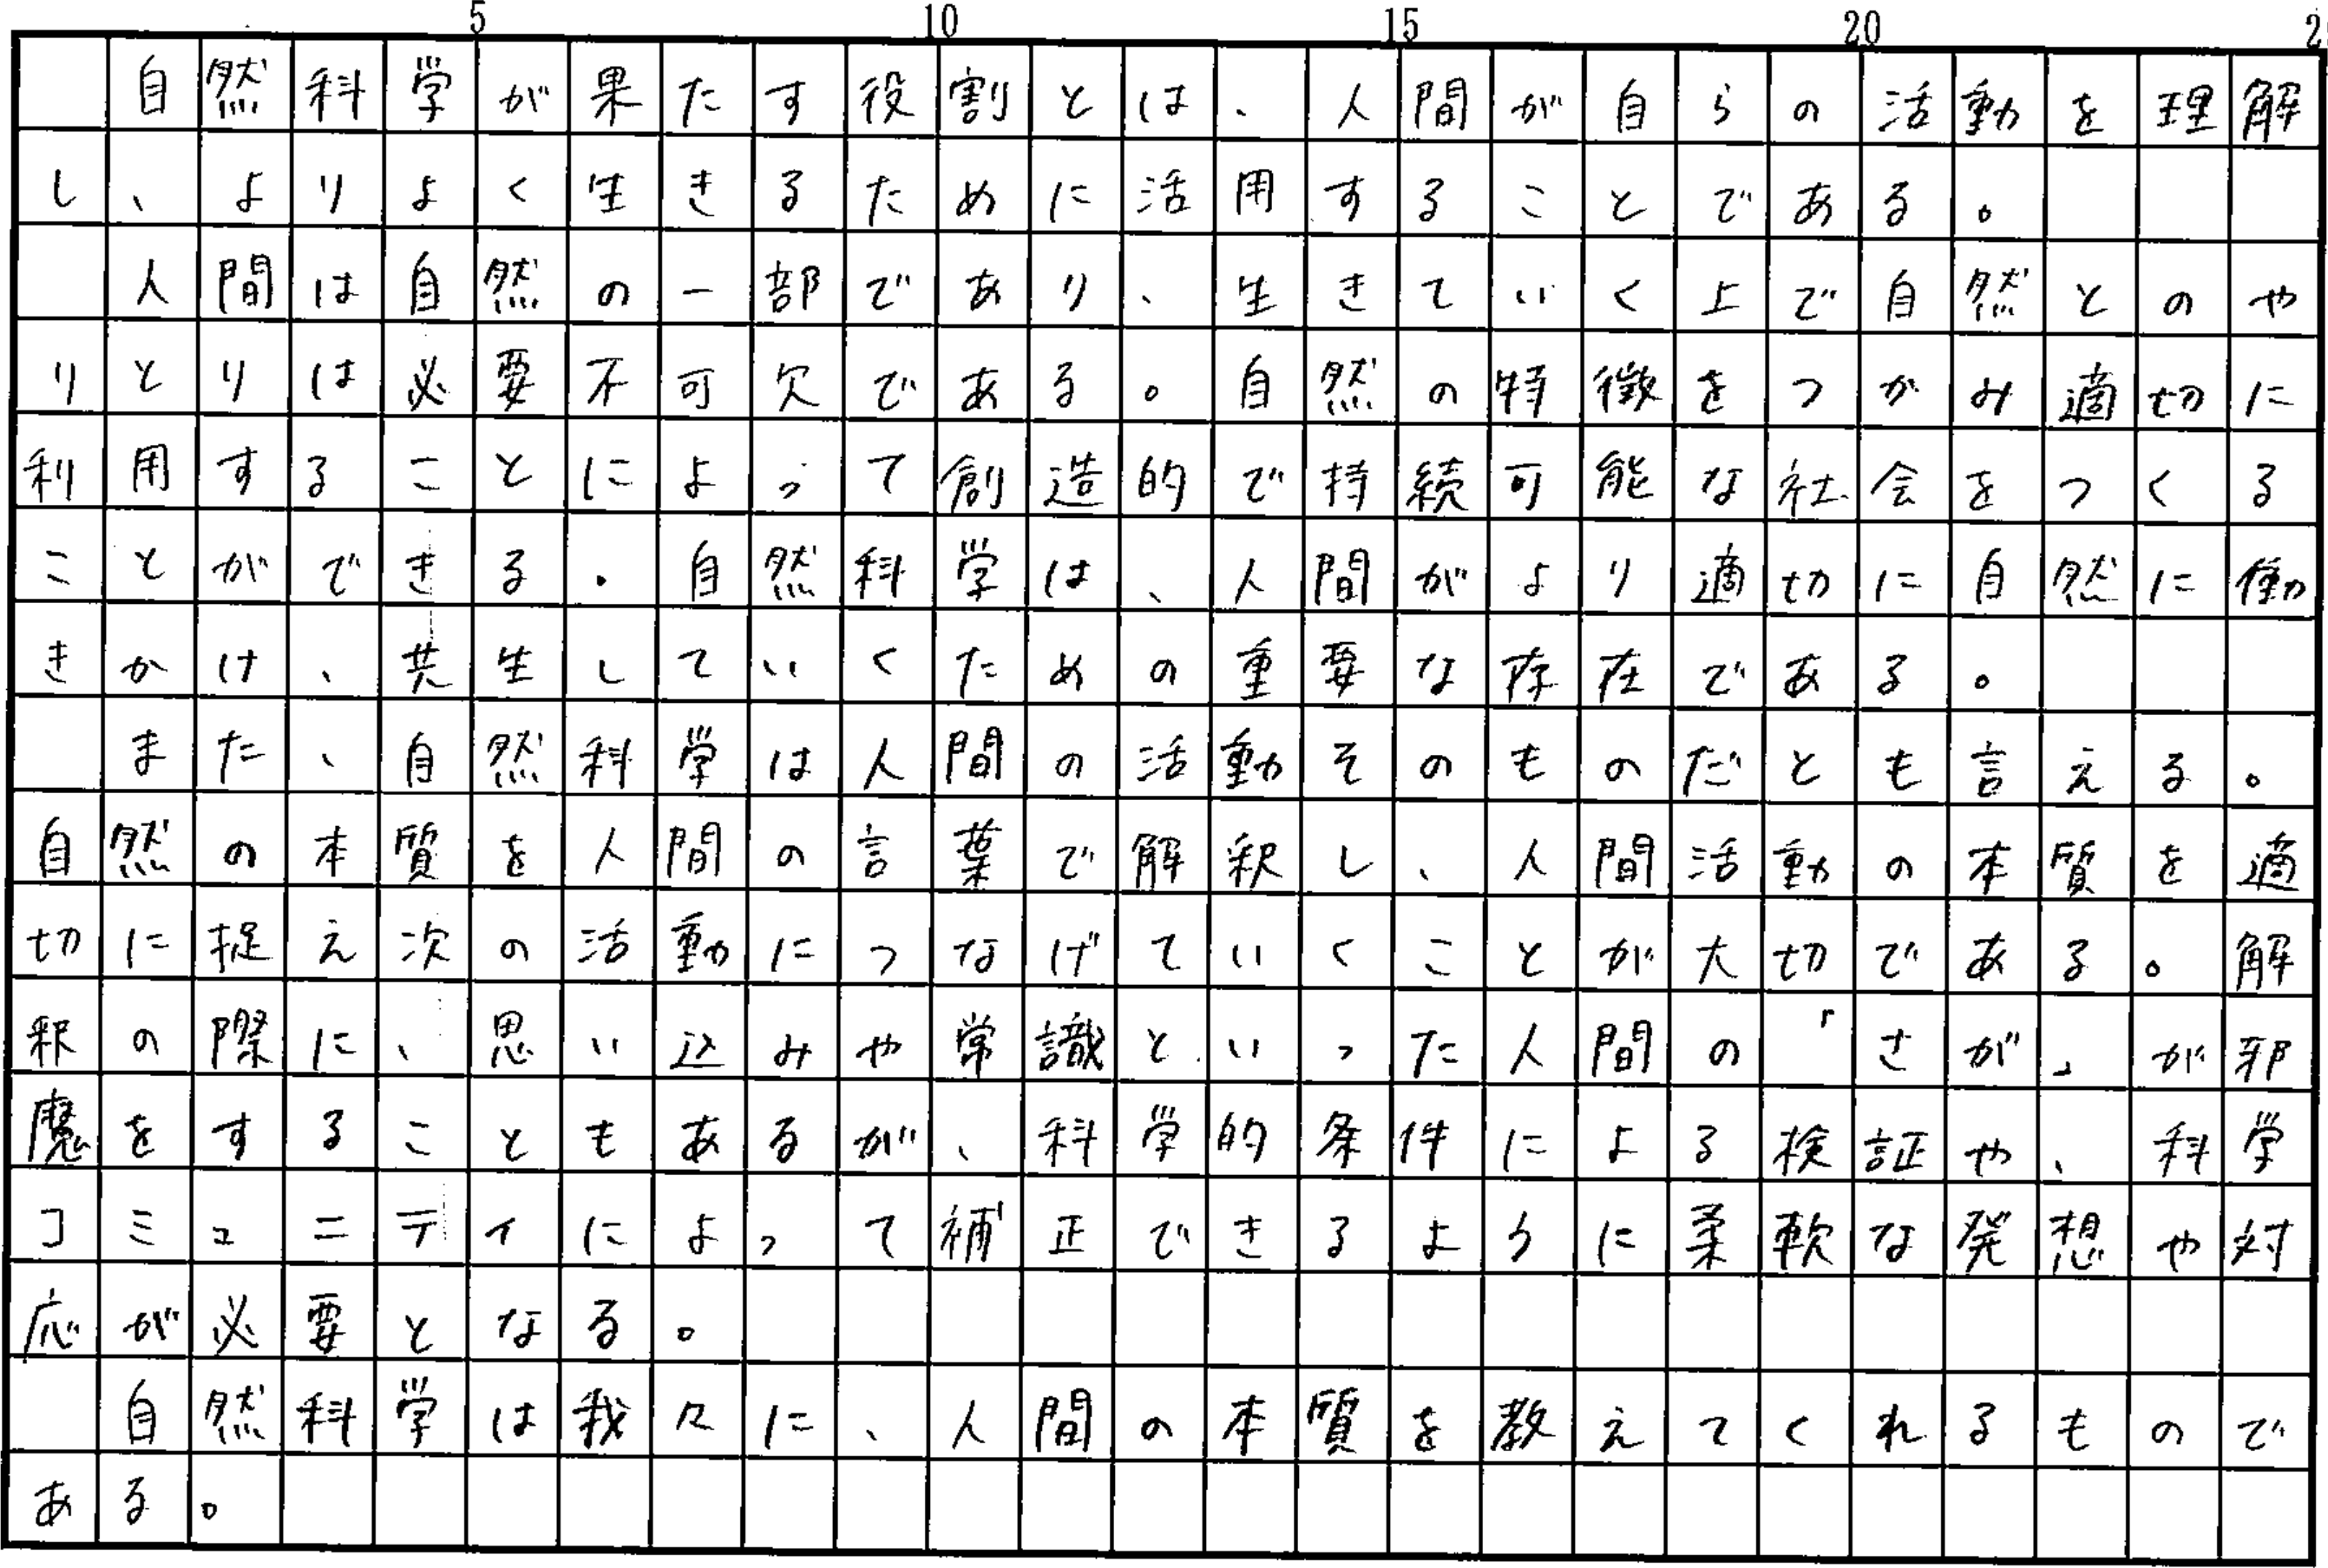　自然科学が果たす役割とは、人間が自らの活動を理解し、よりよく生きるために活用することである。
　人間は自然の一部であり、生きていく上で自然とのやりとりは必要不可欠である。自然の特徴をつかみ適切に利用することによって創造的で持続可能な社会をつくることができる。自然科学は、人間がより適切に自然に働きかけ、共生していくための重要な存在である。
　また、自然科学は人間の活動そのものだとも言える。自然の本質を人間の言葉で解釈し、人間活動の本質を適切に捉え次の活動につなげていくことが大切である。解釈の際に、思い込みや常識といった人間の「さが」が邪魔をすることもあるが、科学的条件による検証や、科学コミュニティによって補正できるように柔軟な発想や対応が必要となる。
　自然科学は我々に、人間の本質を教えてくれるものである。
